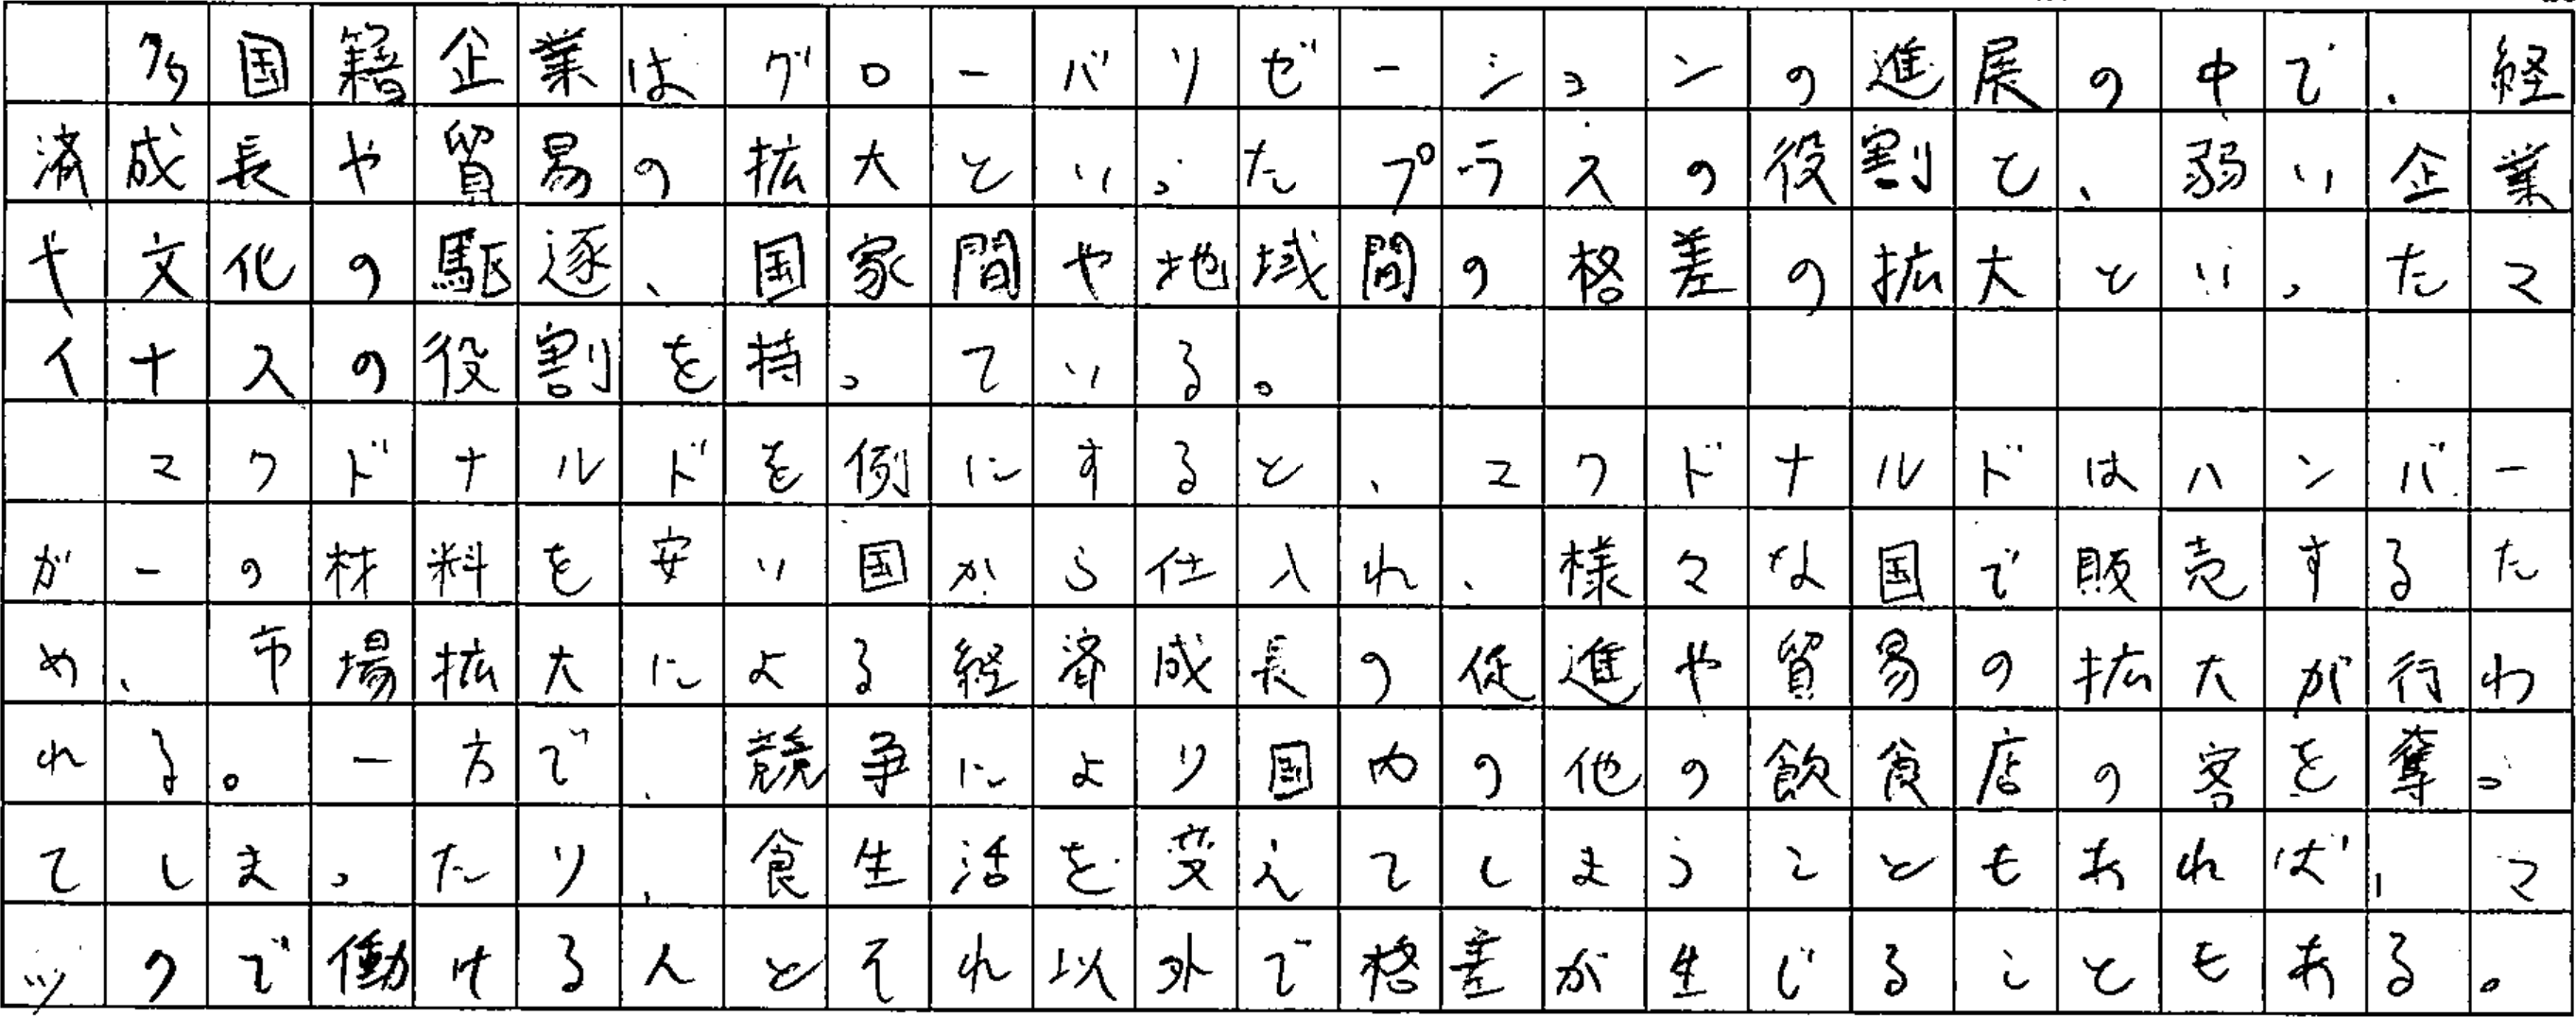　多国籍企業はグローバリゼーションの進展の中で、経済成長や貿易の拡大といったプラスの役割と、弱い企業や文化の駆逐、国家間や地域間の格差の拡大といったマイナスの役割を持っている。
　マクドナルドを例にすると、マクドナルドはハンバーガーの材料を安い国から仕入れ、様々な国で販売するため、市場拡大による経済成長の促進や貿易の拡大が行われる。一方で、競争により国内の他の飲食店の客を奪ってしまったり、食生活を変えてしまうこともあれば、マックで働ける人とそれ以外で格差が生じることもある。
